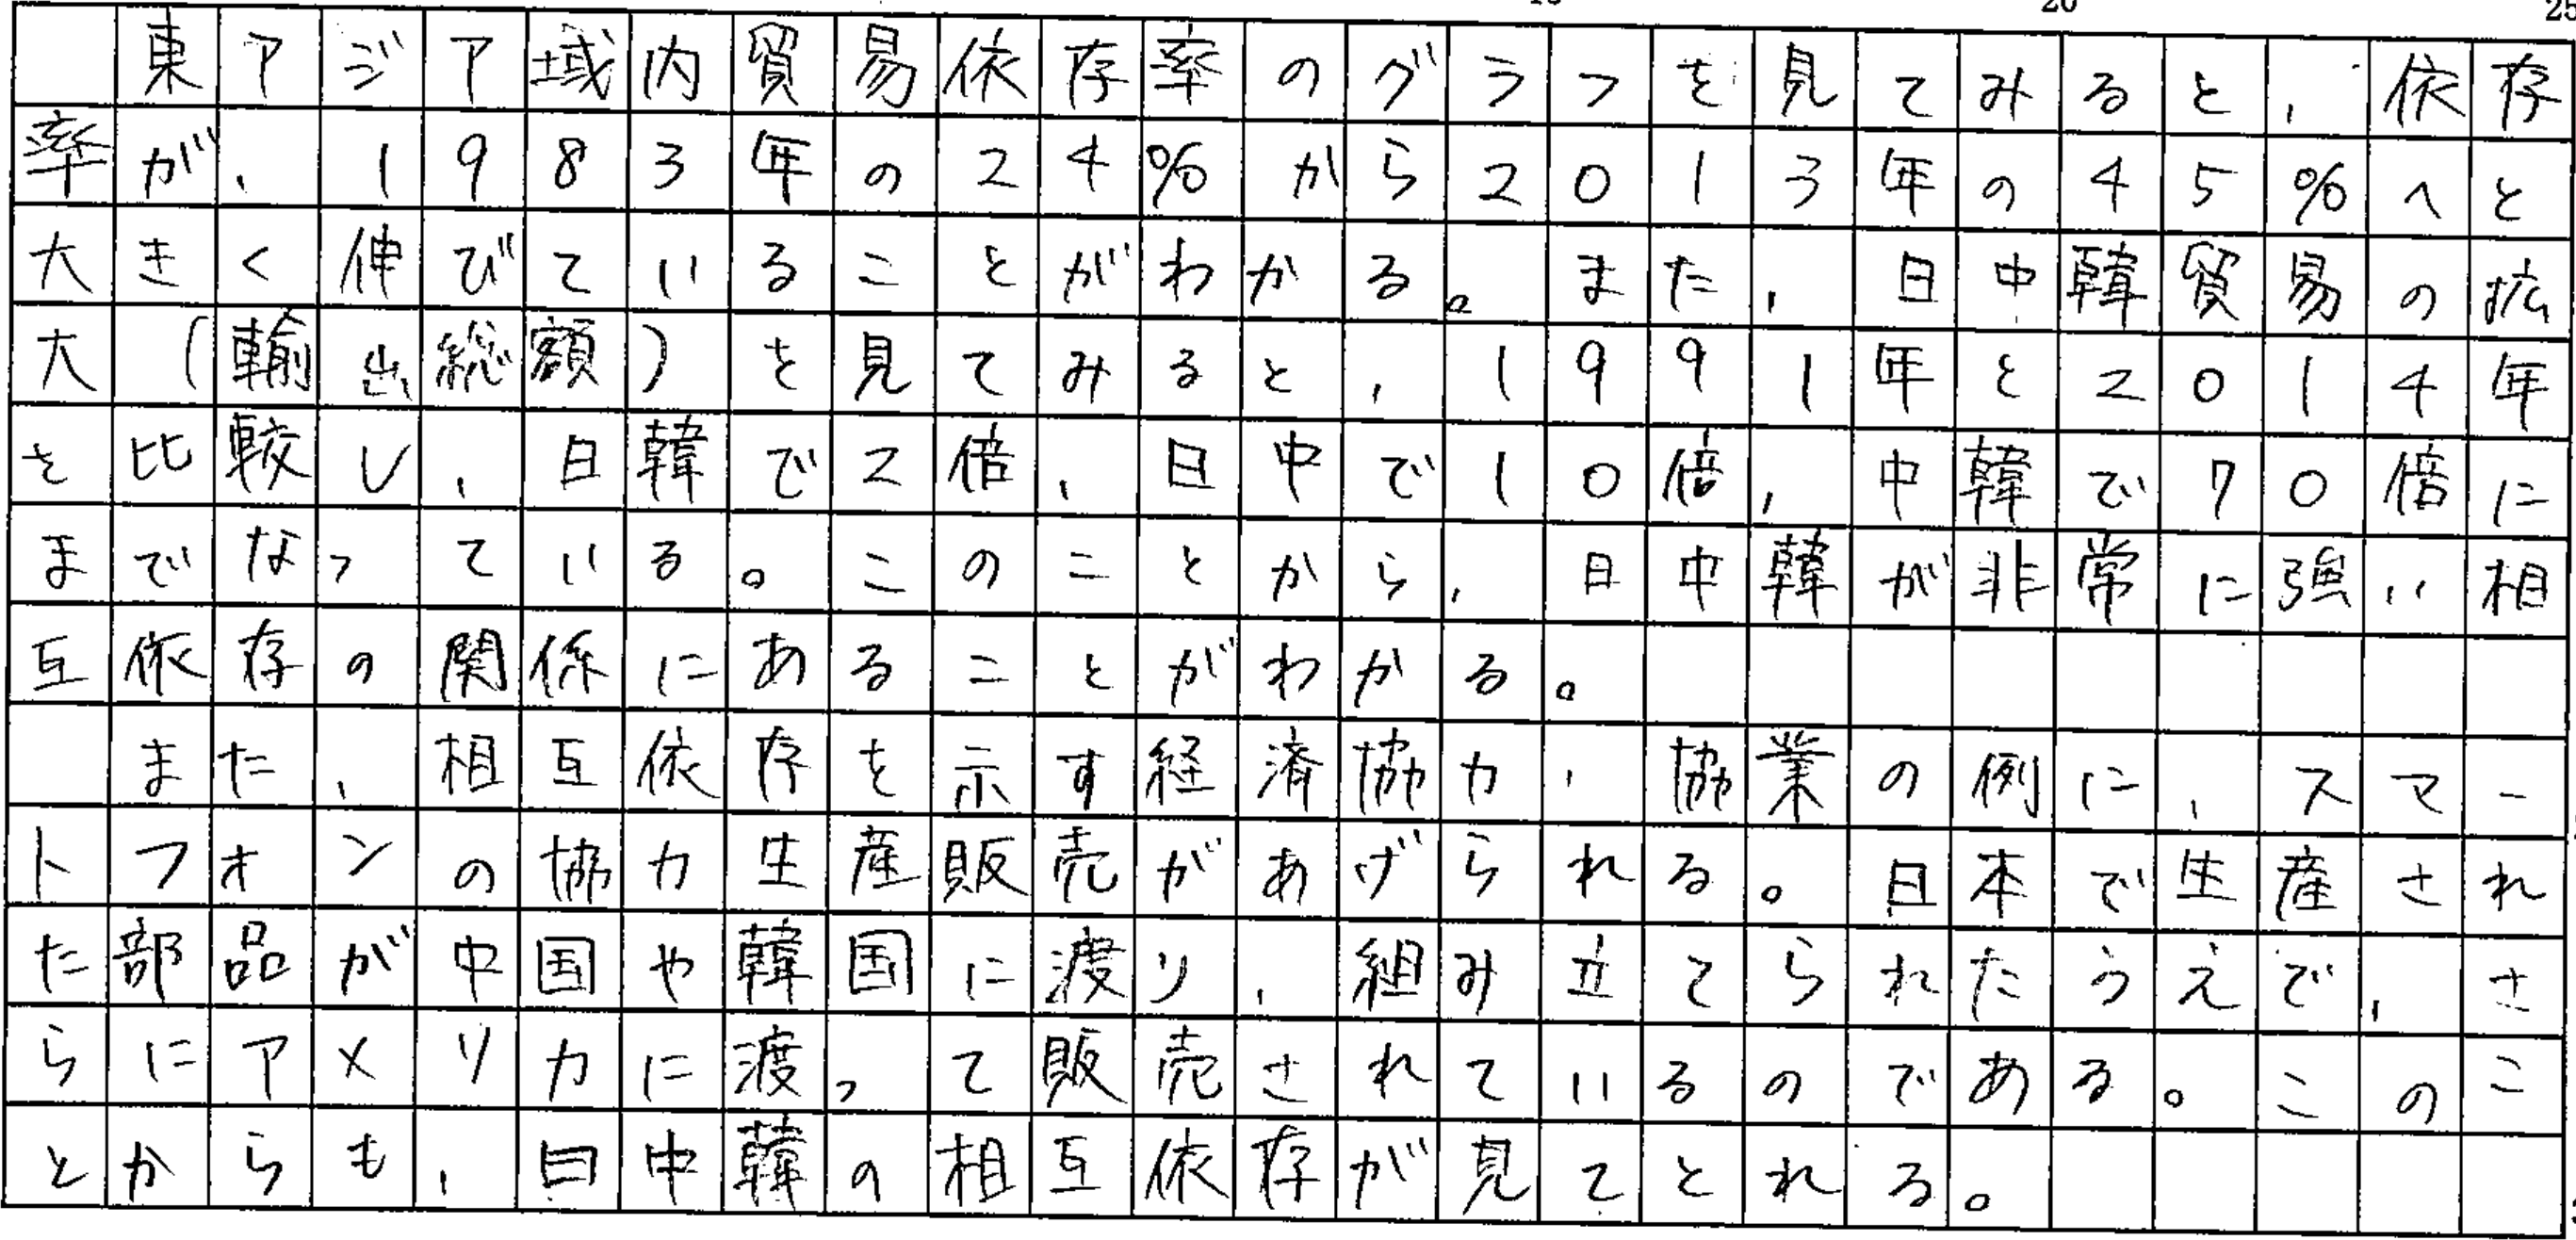　東アジア域内貿易依存率のグラフを見てみると、依存率が、１９８３年の２４％から２０１３年の４５％へと大きく伸びていることがわかる。また，日中韓貿易の拡大（輸出総額）を見てみると，１９９１年と２０１４年を比較し、日韓で２倍、日中で１０倍，中韓で７０倍にまでなっている。このことから，日中韓が非常に強い相互依存の関係にあることがわかる。
　また、相互依存を示す経済協力，協業の例に、スマートフォンの協力生産販売があげられる。日本で生産された部品が中国や韓国に渡り、組み立てられたうえで，さらにアメリカに渡って販売されているのである。このことからも，日中韓の相互依存が見てとれる。
